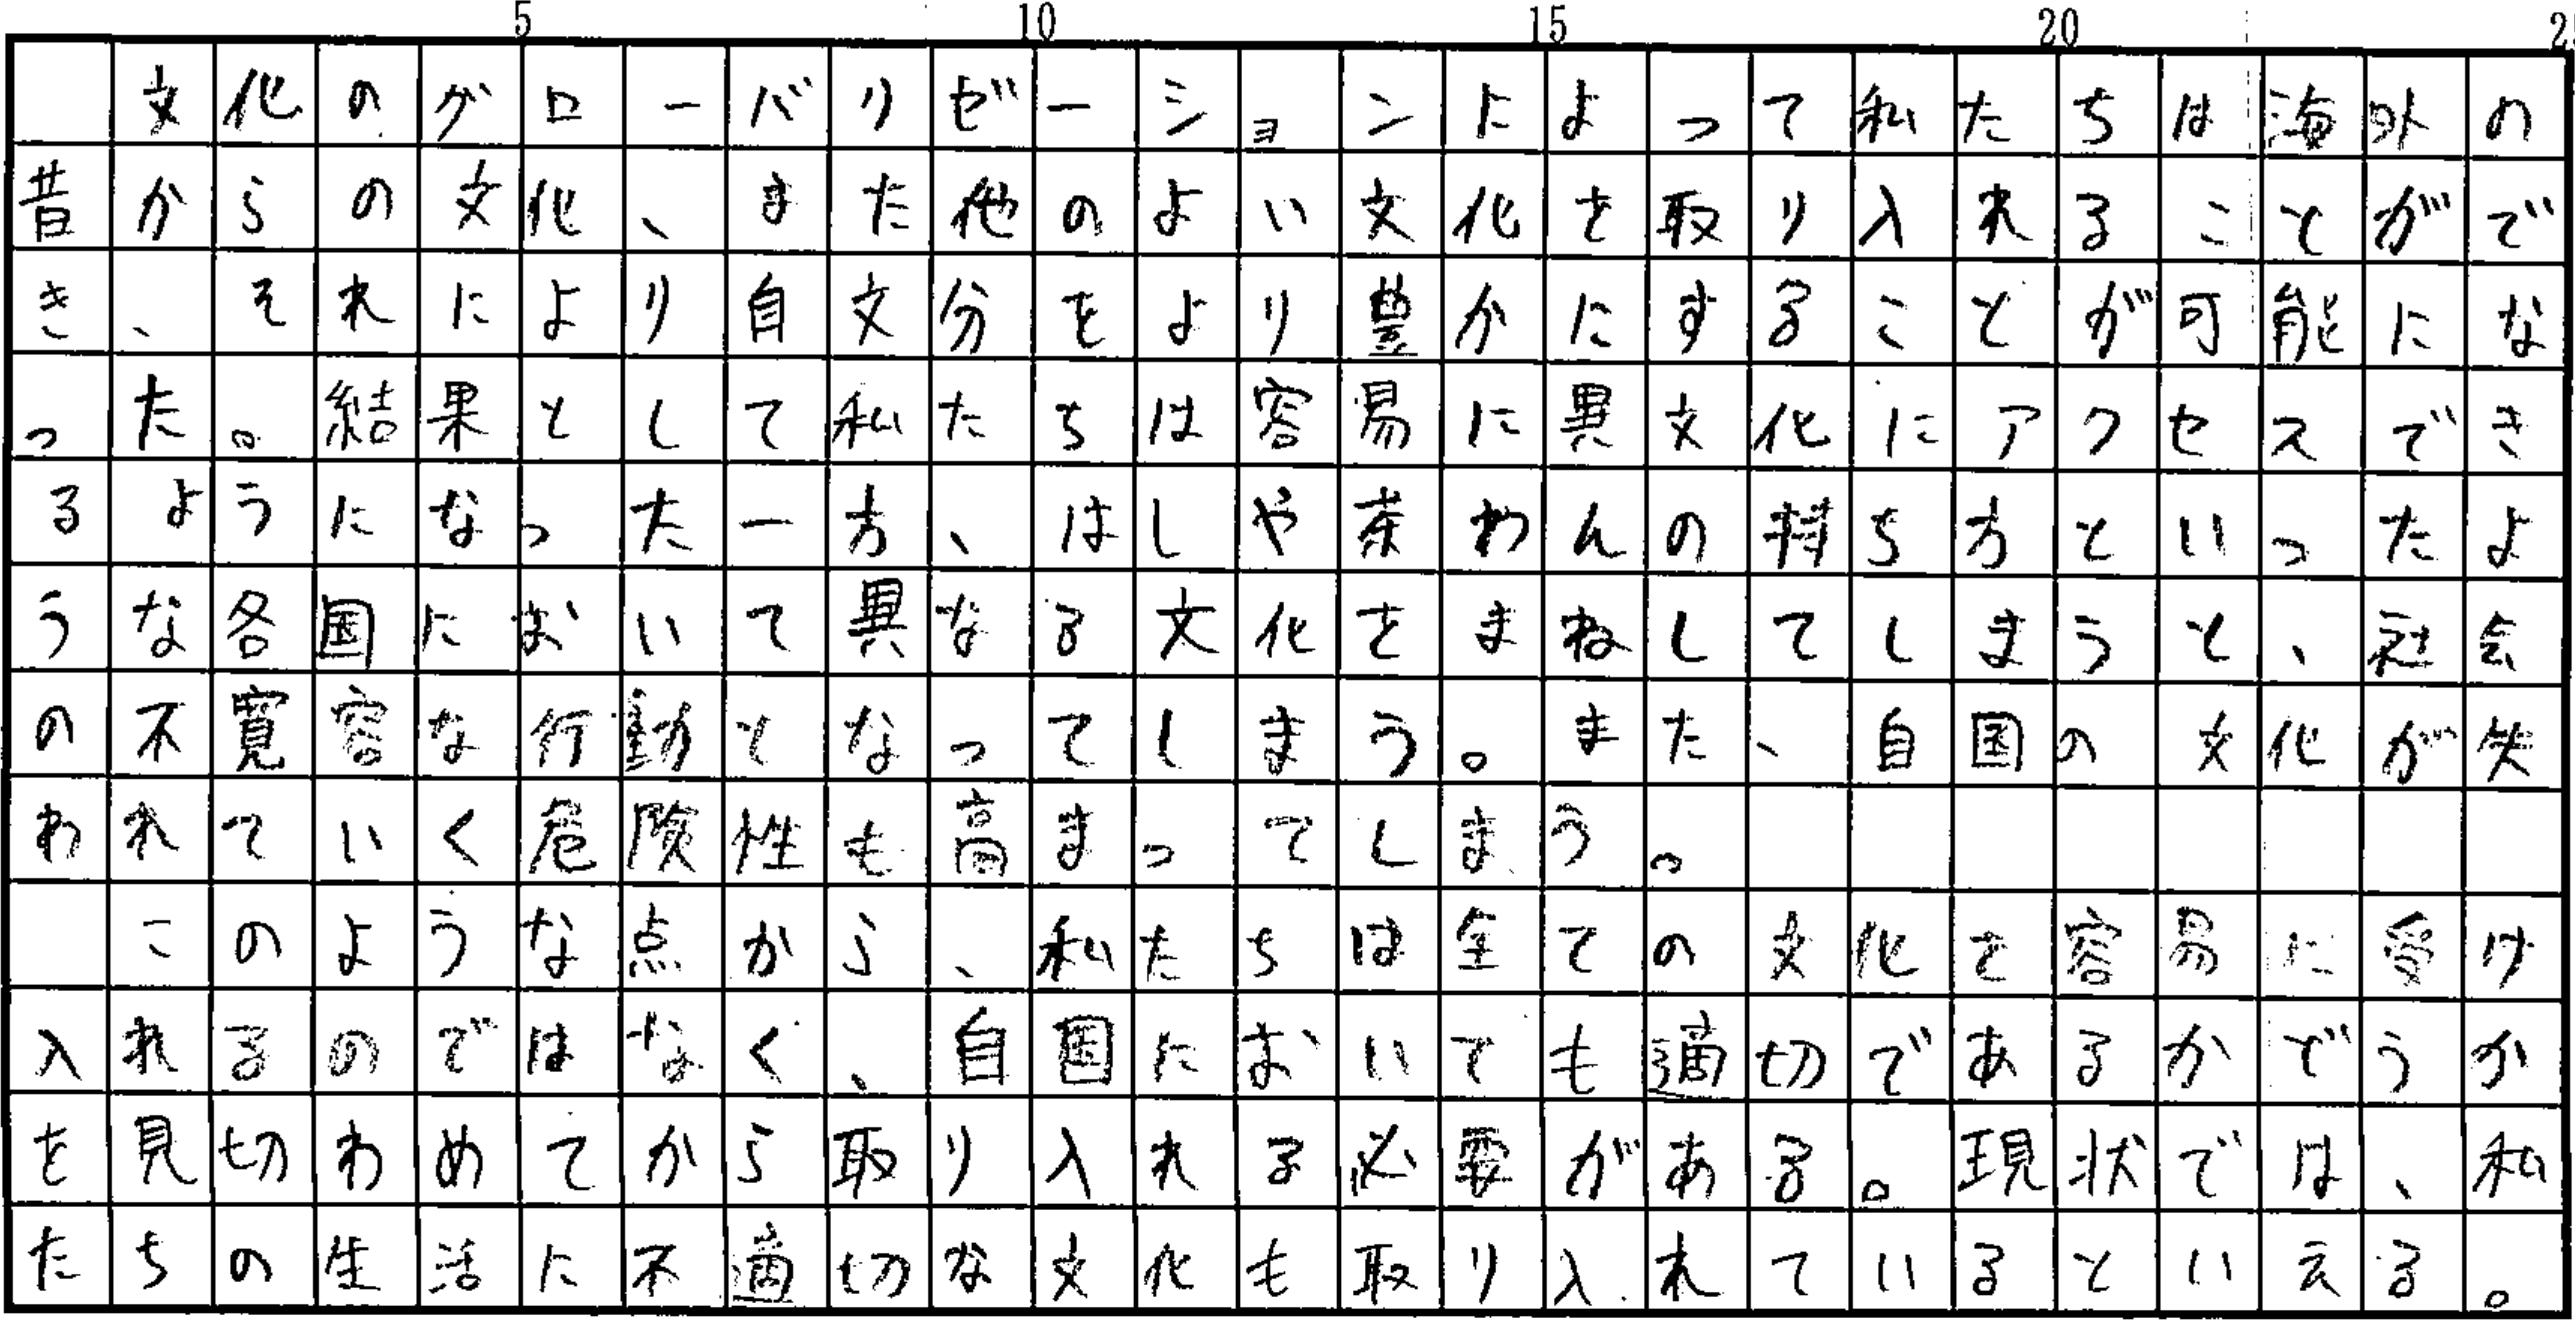　文化のグローバリゼーションによって私たちは海外の昔からの文化、また他のよい文化を取り入れることができ、それにより自文分をより豊かにすることが可能になった。結果として私たちは容易に異文化にアクセスできるようになった一方、はしや茶わんの持ち方といったような各国において異なる文化をまねしてしまうと、社会の不寛容な行動となってしまう。また、自国の文化が失われていく危険性も高まってしまう。
　このような点から、私たちは全ての文化を容易に受け入れるのではなく、自国においても適切であるかどうかを見切わめてから取り入れる必要がある。現状では、私たちの生活に不適切な文化も取り入れているといえる。
